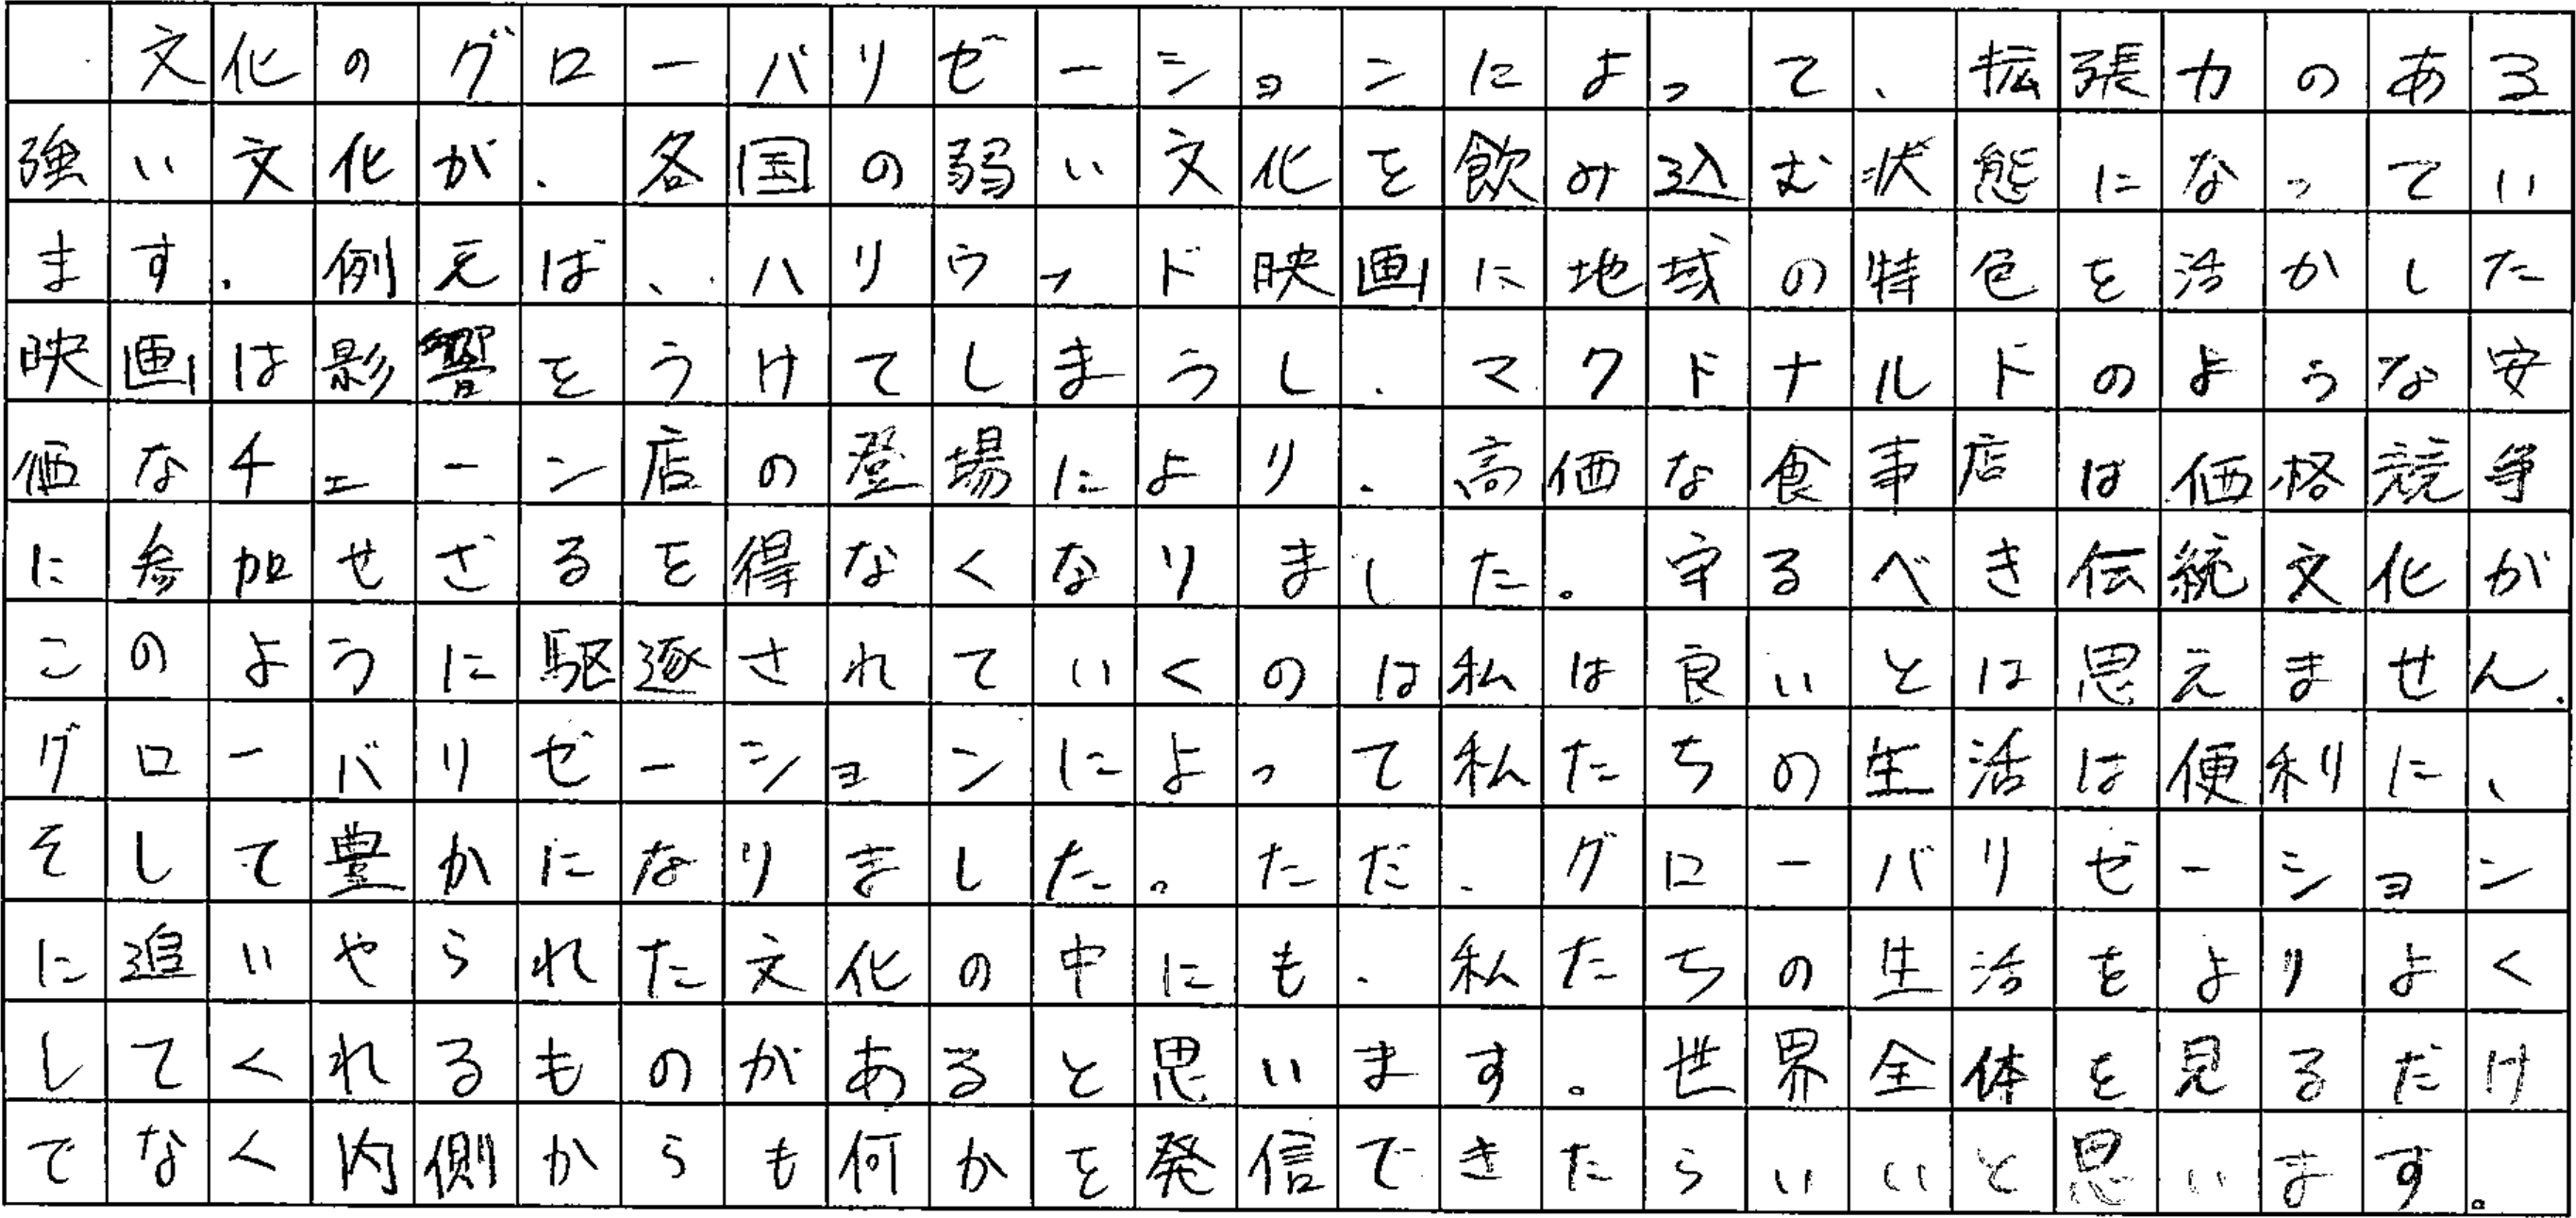　文化のグローバリゼーションによって、拡張力のある強い文化が、各国の弱い文化を飲み込む状態になっています。例えば、ハリウッド映画に地域の特色を活かした映画は影響をうけてしまうし、マクドナルドのような安価なチェーン店の登場により、高価な食事店は価格競争に参加せざるを得なくなりました。守るべき伝統文化がこのように駆逐されていくのは私は良いとは思えません。グローバリゼーションによって私たちの生活は便利に、そして豊かになりました。ただ、グローバリゼーションに追いやられた文化の中にも、私たちの生活をよりよくしてくれるものがあると思います。世界全体を見るだけでなく内側からも何かを発信できたらいいと思います。
